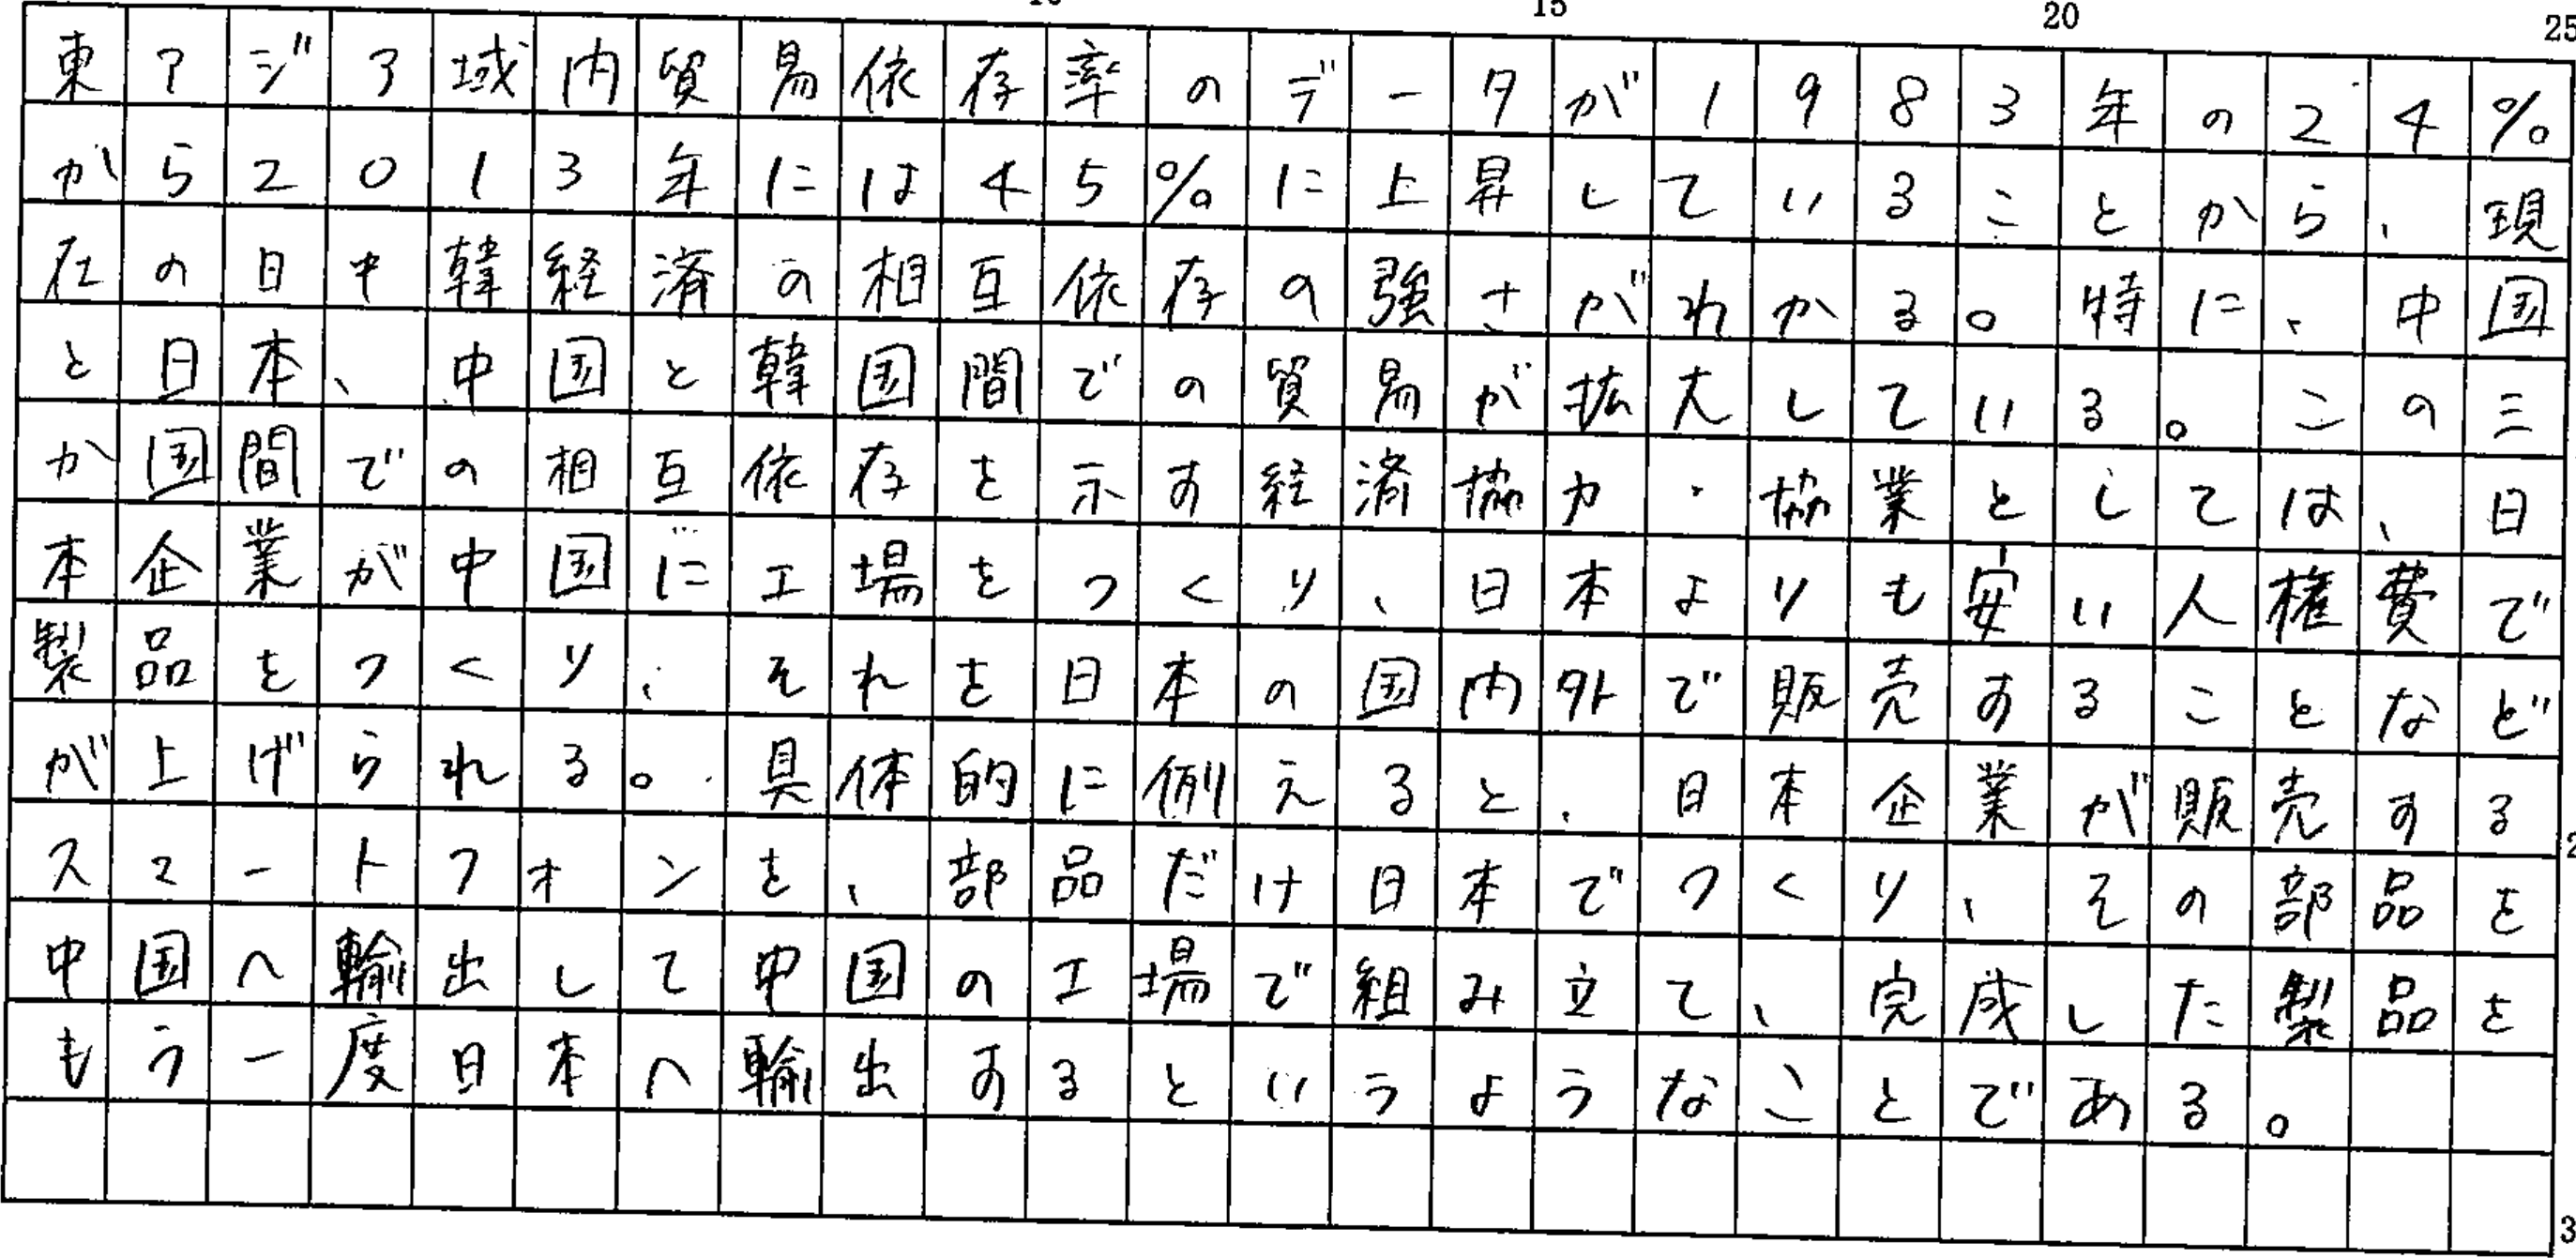東アジア域内貿易依存率のデータが１９８３年の２４％から２０１３年には４５％に上昇していることから、現在の日中韓経済の相互依存の強さがわかる。特に、中国と日本、中国と韓国間での貿易が拡大している。この三か国間での相互依存を示す経済協力・協業としては、日本企業が中国に工場をつくり、日本よりも安い人権費で製品をつくり、それを日本の国内外で販売することなどが上げられる。具体的に例えると、日本企業が販売するスマートフォンを、部品だけ日本でつくり、その部品を中国へ輸出して中国の工場で組み立て、完成した製品をもう一度日本へ輸出するというようなことである。
